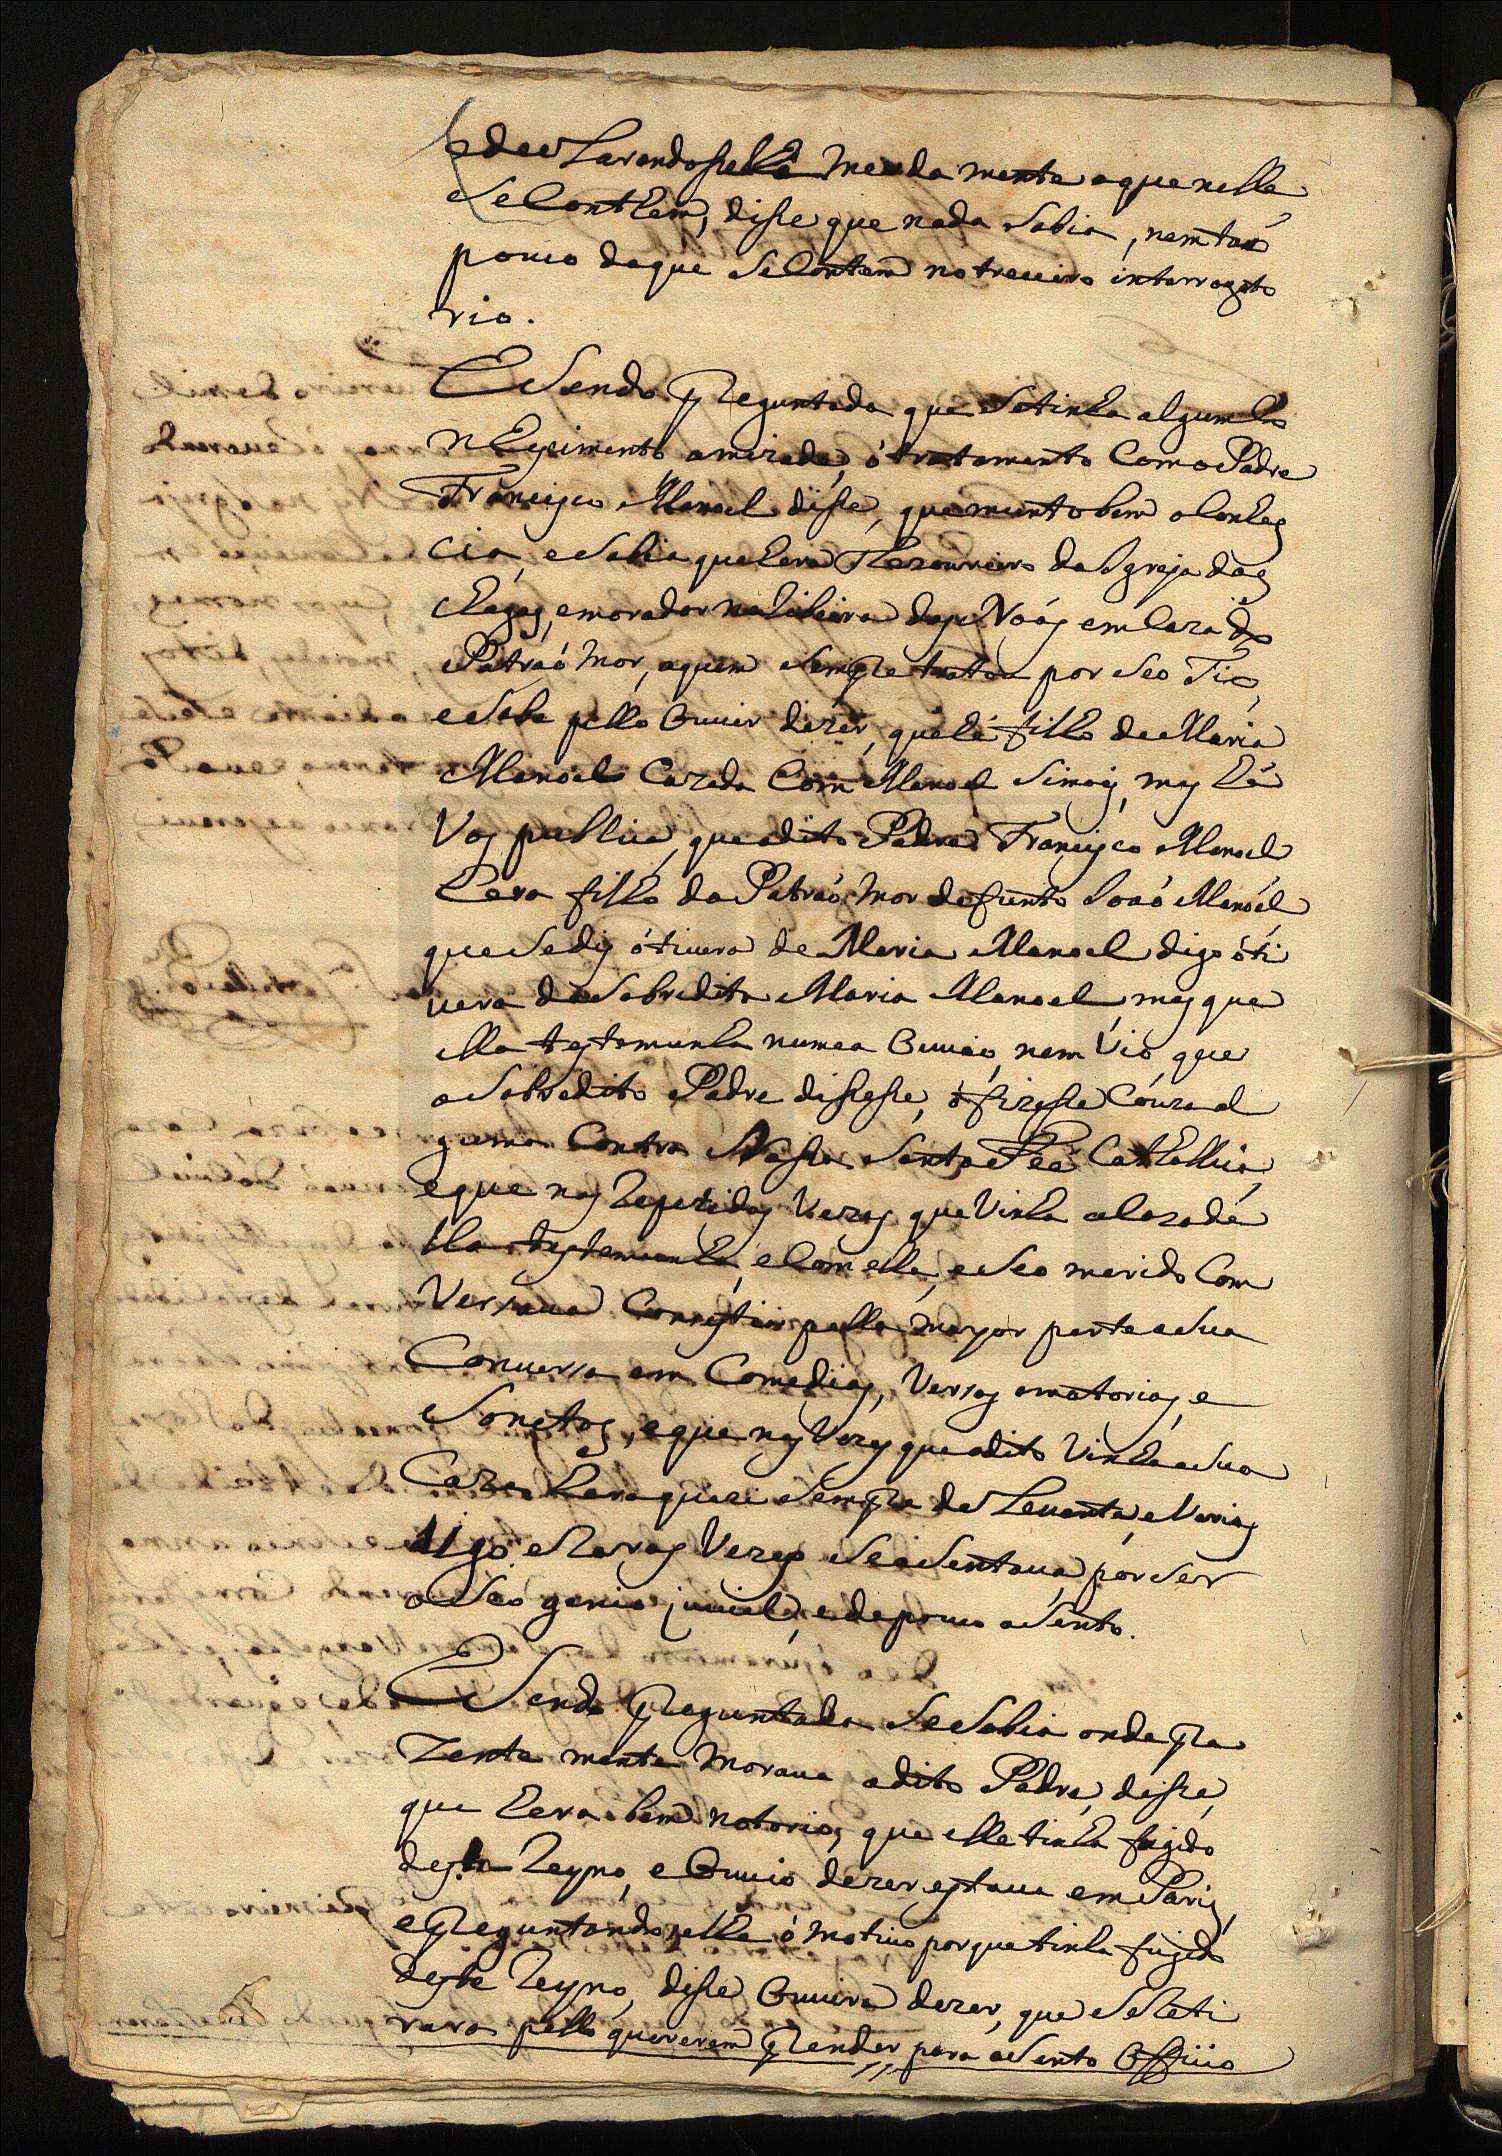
e declarandosselhe meudamente o que nelle
Se Conthem, disse que nada Sabia, nem taõ
pouco do que se Contem no treceiro interrogato
rio.
E Sendo pReguntada que se tinha algum Co
nhescimento, amizade, ó tratamento Com o Padre
Francisco Manoel disse, que munto bem o Conhes
cia, e sabia que hera Thezoureiro da Igreja das
chagas, e morador na Ribeira das Naós em Caza do
Patraõ mor, a quem sempre tratou por seo Tio,
e sabe pello Ouuir dizer, que hé filho de Maria
Manoel Cazada Com Manoel Simois, mas hé
Vos publica, que o dito Padre Francisco Manoel
hera filho do Patraõ mor defunto Ioaõ Manoel
que se dis ó tiuera de Maria Manoel digo ó ti
uera da Sobredita Maria Manoel, mas que
ella testemunha numca Ouuio, nem vio, que
o Sobredito Padre dissesse, ó fizesse Couza al
guma Contra Nossa Santa Feé Cathollica,
e que nas Repetidas Vezes que vinha a Caza de
lla testemunha, e Com ella, e seo marido Com
Versaua Consestio pella mayor parte a sua
Conuersa em Comedias, versos amatorios, e
Sonetos, e que nas Vezes que o dito Vinha a sua
Caza hera quazi SempRe de Leuante, e Varias
digo e Raras Vezes se aSentaua por ser
o Seo genio juuial, e de pouco aSento.
E Sendo pReguntada se Sabia onde pRe
Zentemente moraua o dito Padre, disse
que hera bem notorio, que elle tinha fugido
deste Reyno, e Ouuio dezer estaua em Paris
e pReguntandoselhe ó motiuo porque tinha fugido
deste Reyno, disse Ouuira dizer, que se Reti
rara pello quererem pRender para o Santo Officio
